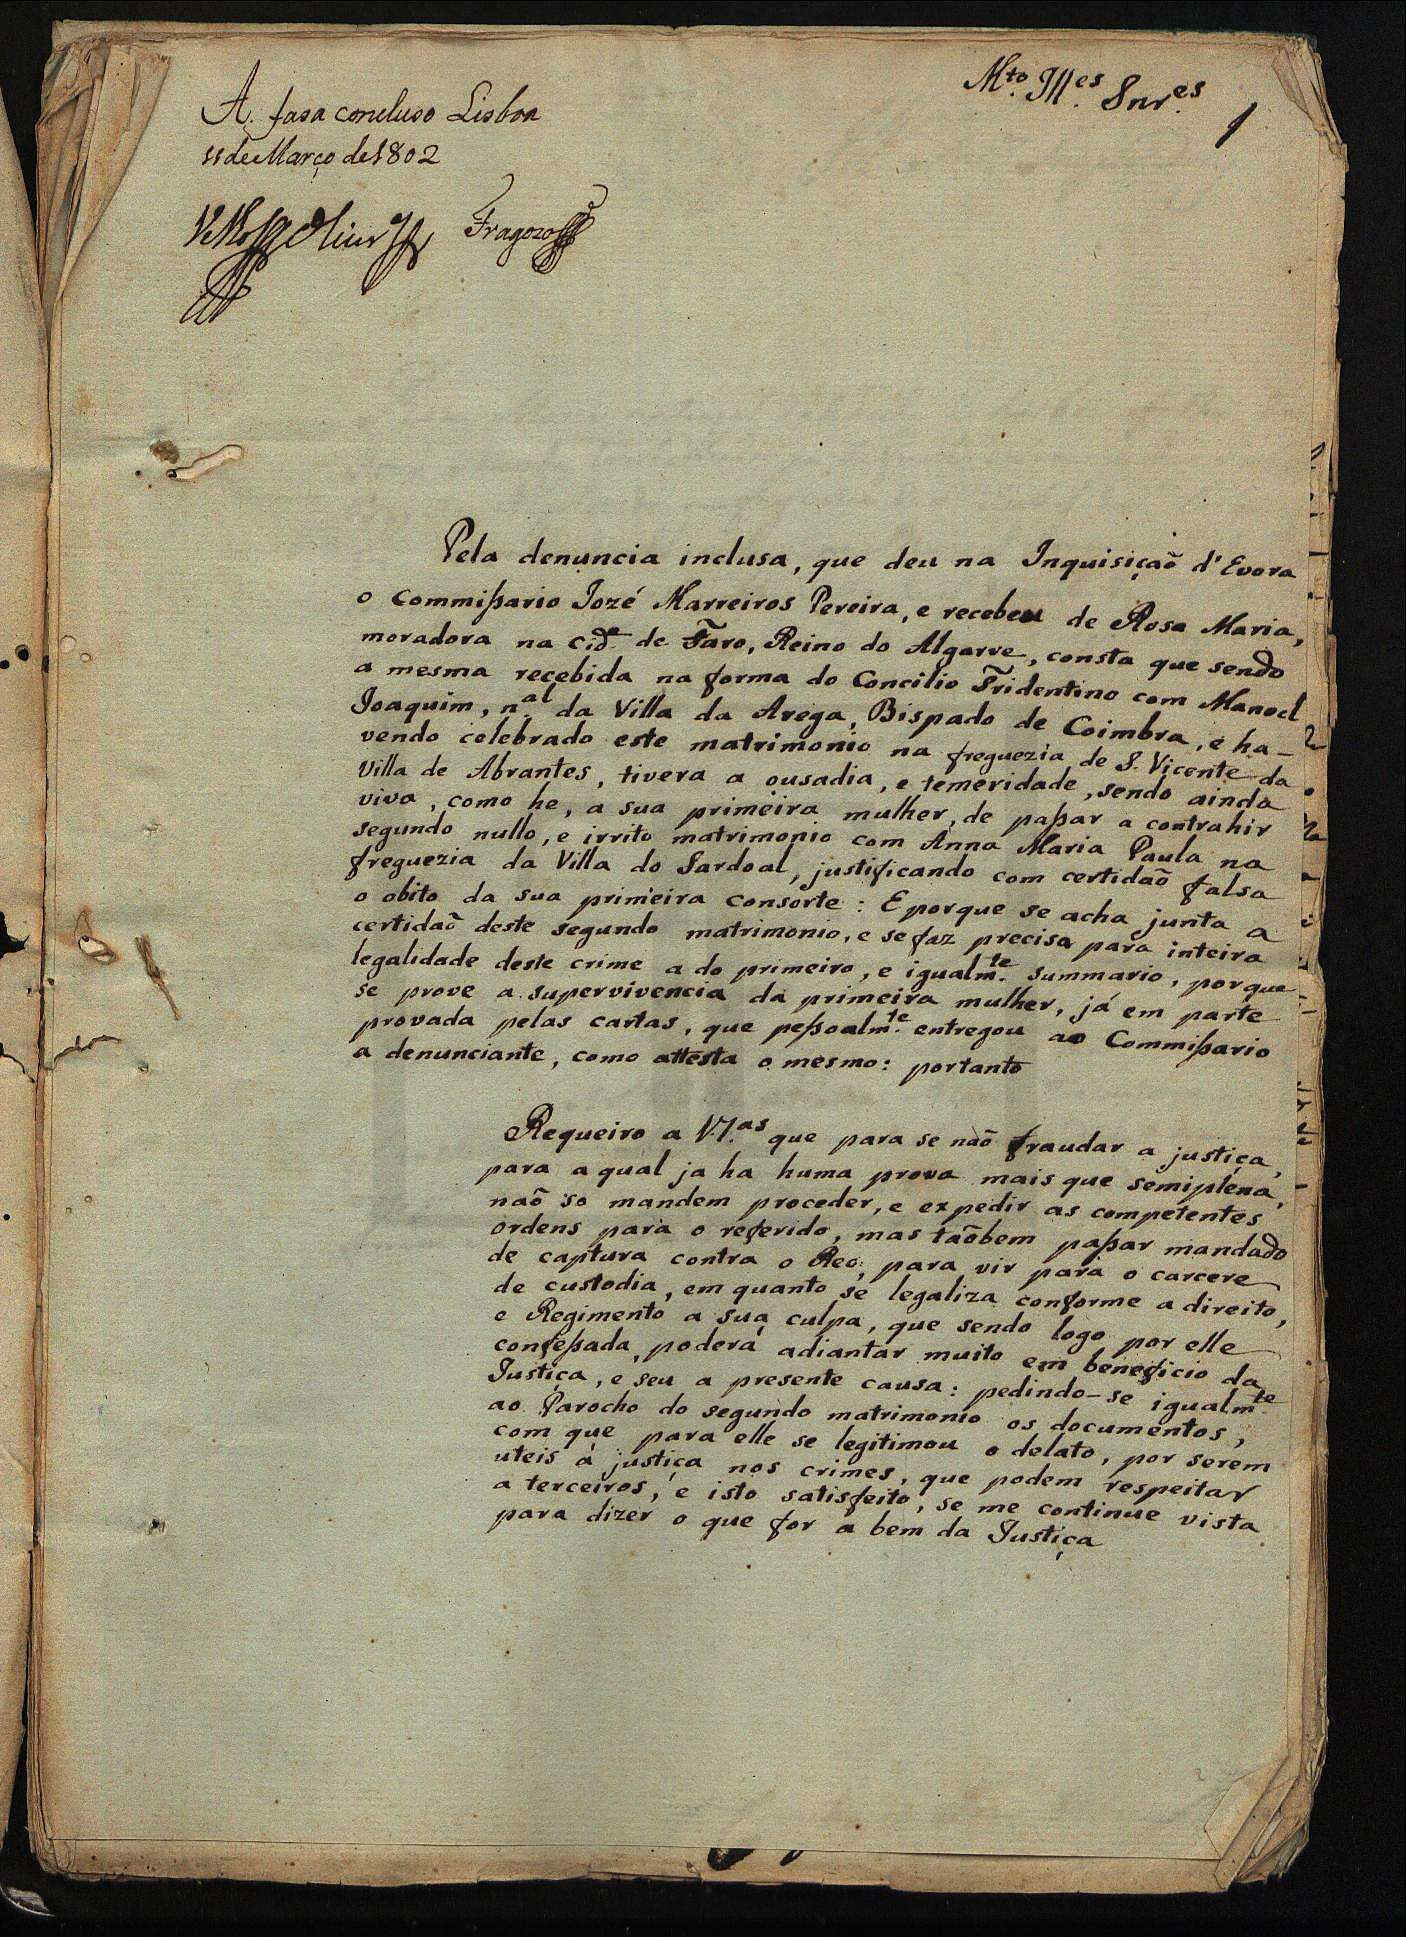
Pela denuncia inclusa, que deu na Inquisiçaõ d'Evora
o Commissario Iozé Marreiros Pereira, e recebeu de Rosa Maria,
moradora na cid.e de Faro, Reino do Algarve, consta que sendo
a mesma recebida na forma do Concilio Tridentino com Manoel
Ioaquim, n.al da Villa da Arega, Bispado de Coimbra, e ha
vendo celebrado este matrimonio na freguezia de S. Vicente da
Villa de Abrantes, tivera a ousadia, e temeridade, sendo ainda
viva, como he, a sua primeira mulher, de passar a contrahir
segundo nullo, e irrito matrimonio com Anna Maria Paula na
freguezia da Villa do Sardoal, justificando com certidaõ falsa
o obito da sua primeira consorte : E porque se acha junta a
certidaõ deste segundo matrimonio, e se faz precisa para inteira
legalidade deste crime a do primeiro, e igualm.te summario, porque
se prove a supervivencia da primeira mulher, já em parte
provada pelas cartas, que pessoalm.te entregou no Commissario
a denunciante, como attesta o mesmo: portanto
Requeiro a V.I.as que para se naõ fraudar a justiça,
para a qual ja ha huma prova mais que semiplena,
naõ se mandem proceder, e expedir as competentes
ordens para o referido, mas taõbem passar mandado
de captura contra o Reo, para vir para o carcere
de custodia, em quanto se legaliza conforme a direito,
e Regimento a sua culpa, que sendo logo por elle
confessada, poderá adiantar muito em beneficio da
Iustiça, e seu a presente causa: pedindo-se igualm.te
ao Parocho do segundo matrimonio os documentos,
com que para elle se legitimou o delato, por serem
uteis à justiça nos crimes, que podem respeitar
a terceiros, e isto satisfeito, se me continue vista
para dizer o que for a bem da Iustiça
